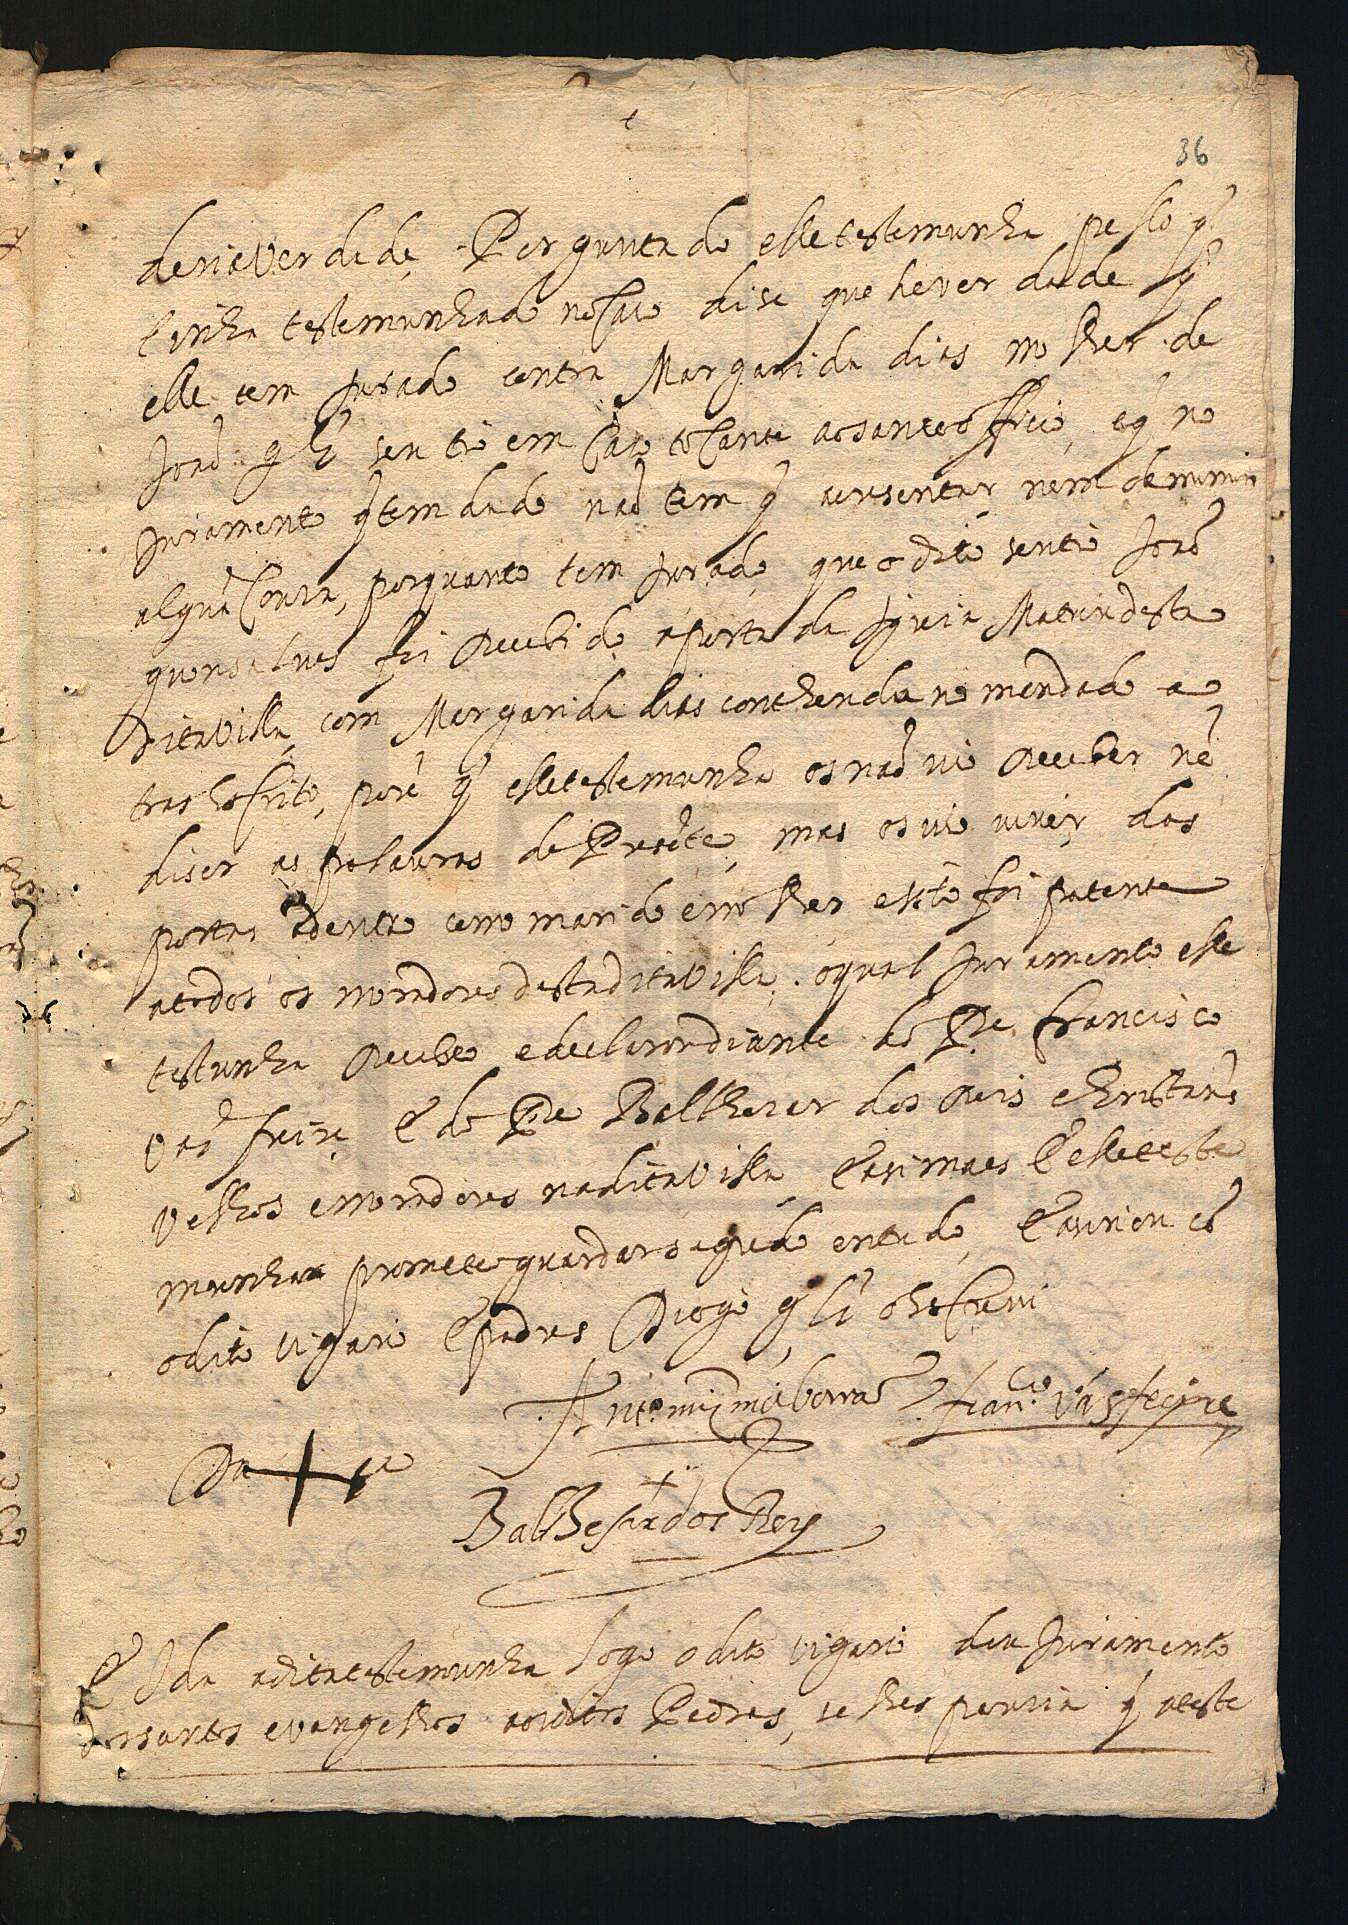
desia verdade, Perguntado elle testemunha pello q̄
tinha testemunhado no Caso dise que he verdade q̄
elle tem jurado contra Margarida dias molher de
Joaõ glz̄ seu tio em Caso toCante ao sancto officio, e q̄ no
juramento q̄ tem dado naõ tem q̄ acresentar, nem deminuir
alguā Couza, porquanto tem jurado que o dito seu tio Joaõ
guonsalues foi Recebido a porta da Jgreia Matrix desta
dita villa, com Margarida dias contheuda no mandado a
tras EsCrito, porē q̄ elle testemunha os naõ uio Receber nē
diser as palauras de Presēte, mas os uio uiuer das
portas adentro como marido e molher e isto foi patente
a todos os moradores desta dita villa. o qual Juramento elle
testunha Recebeo e declarou diante do P.e francisco
vaz̄ freire & do Pe Balthezer dos Reis christañs
velhos e moradores na dita villa, & asi maes & elle teste
munha prometeo guardar segredo en tudo, & asinou cō
o dito vigario & padres Diogo glz̄ o EsCreui
& Ida a dita testemunha logo o dito vigario deu Juramento
dos santos evangelhos aos ditos Padres, se lhes parecia q̄ a teste
